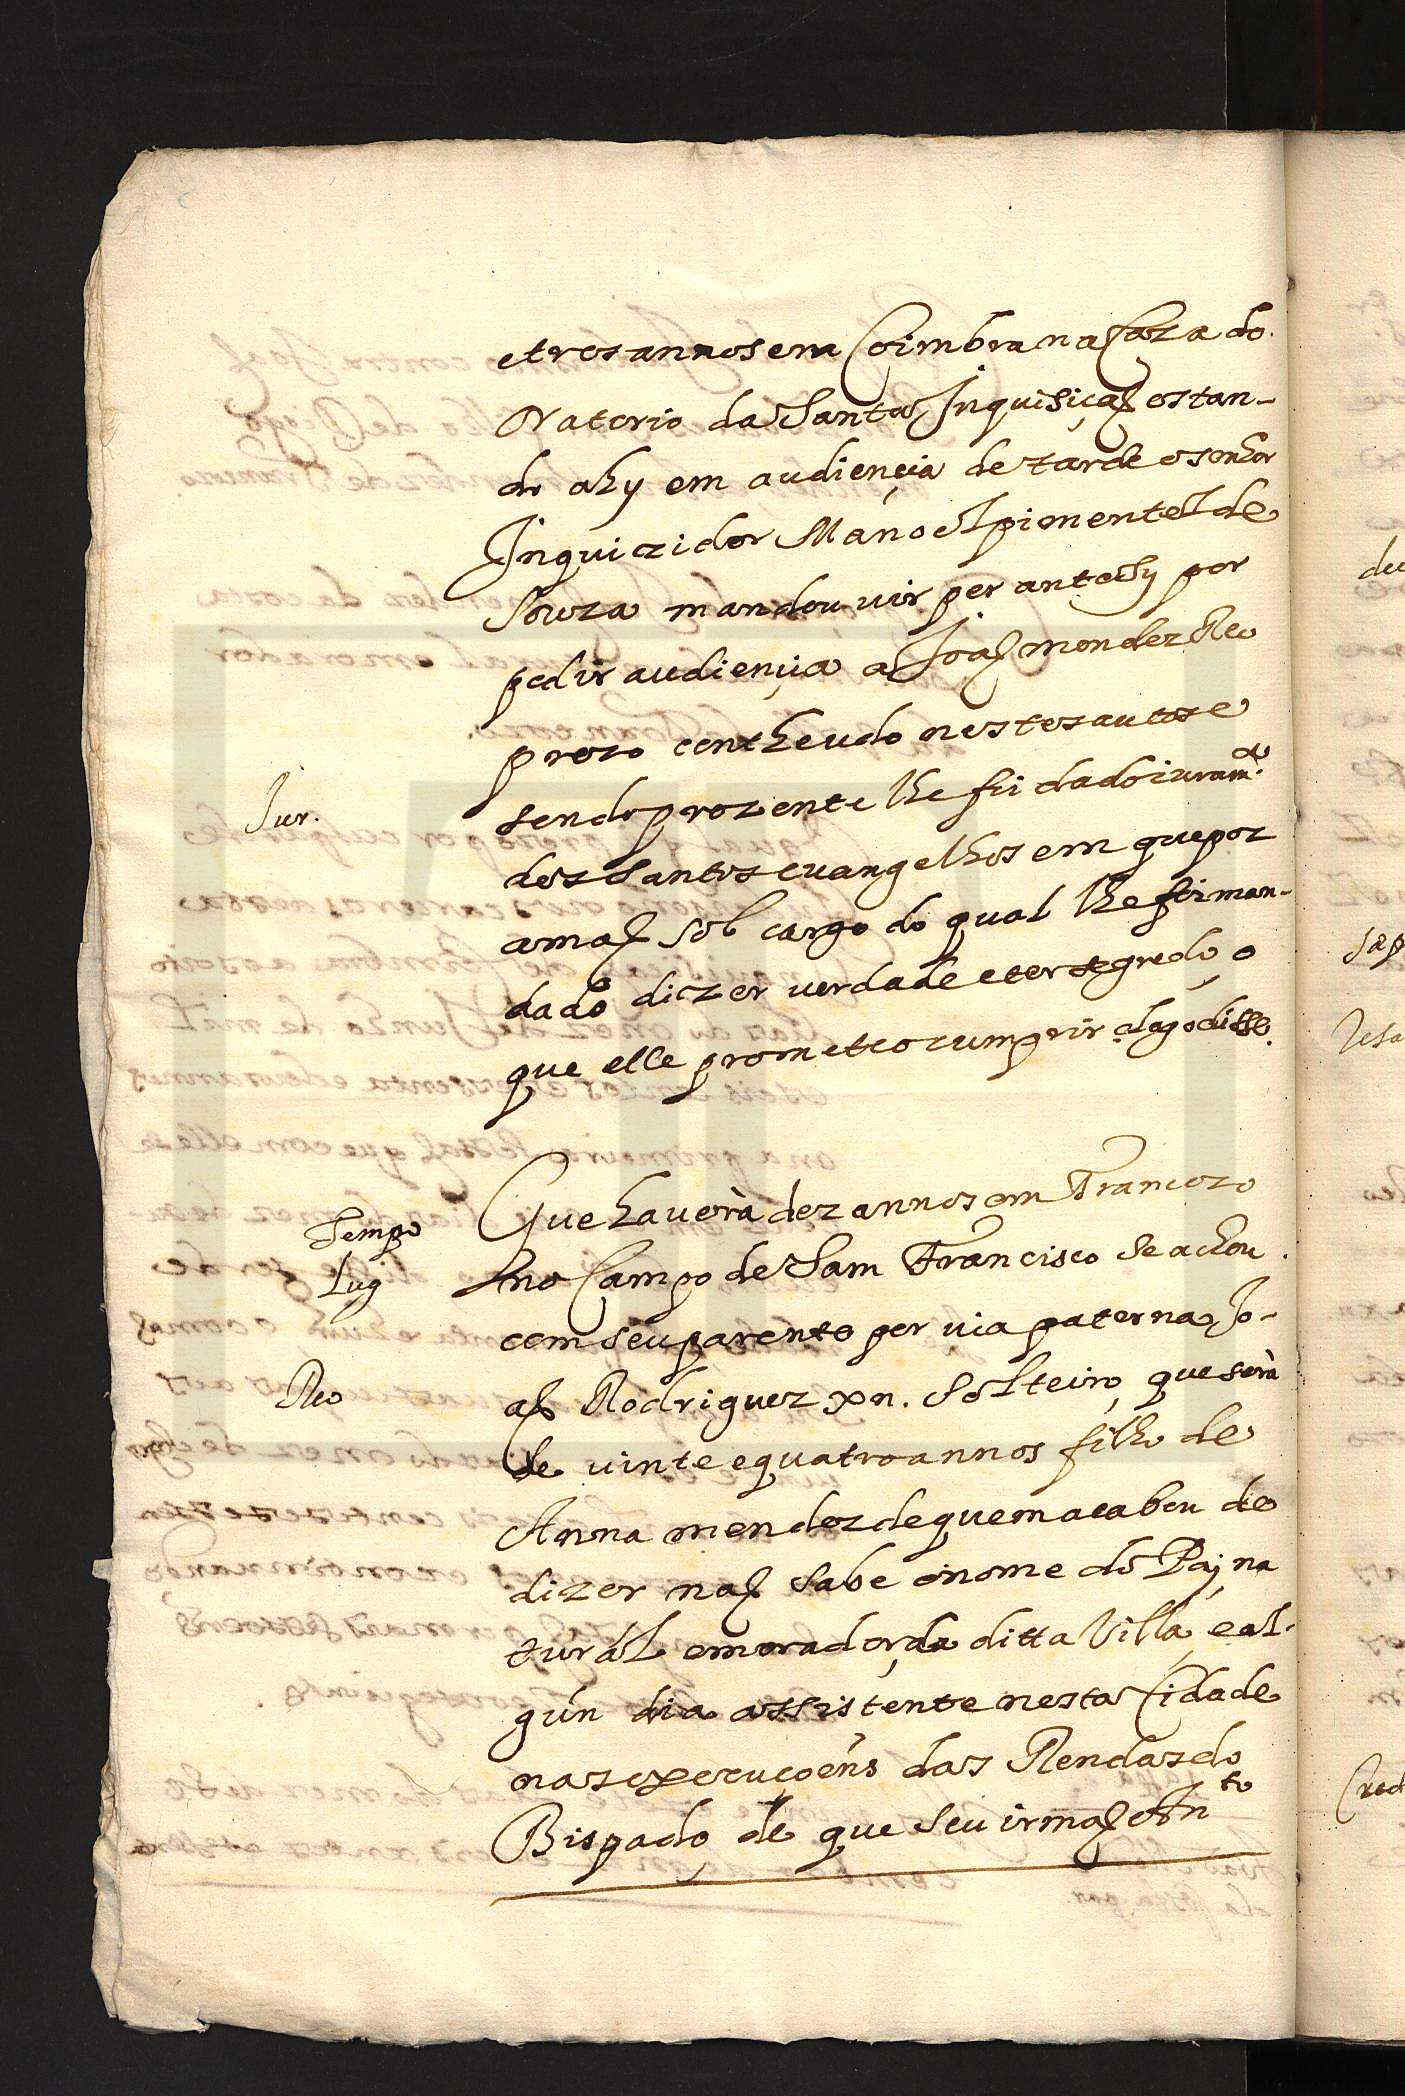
e tres annos em Coimbra na Caza do
Oratorio da Santa Jnquisição estan
do ahy em audiençia de tarde o senhor
Jnquizidor Manoel pimenteL de
Souza mandou uir perante sy por
pedir audiençia a João mendez Reo
prezo contheudo nestes autos e
sendo prezente lhe foi dado iuramto
dos santos euangelhos em que pos
a maõ sob cargo do qual lhe foi man
dado dizer uerdade e ter segredo, o
que elle prometeo cumprir e logo disse.
Que hauerà dez annos em Trancozo
no Campo de Sam Francisco se achou
com seu parente per uia parterna Jo
aõ Rodriguez xn. solteiro, que serà
de uinte e quatro annos filho de
Anna mendez de quem acabou de
dizer naõ sabe o nome do Paj, na
turaL e morador, da ditta villa, e aL
gún dia assistente nesta Cidade
nas execuçoen̄s das Rendas do
Bispado,de que seu irmaõ Anto
